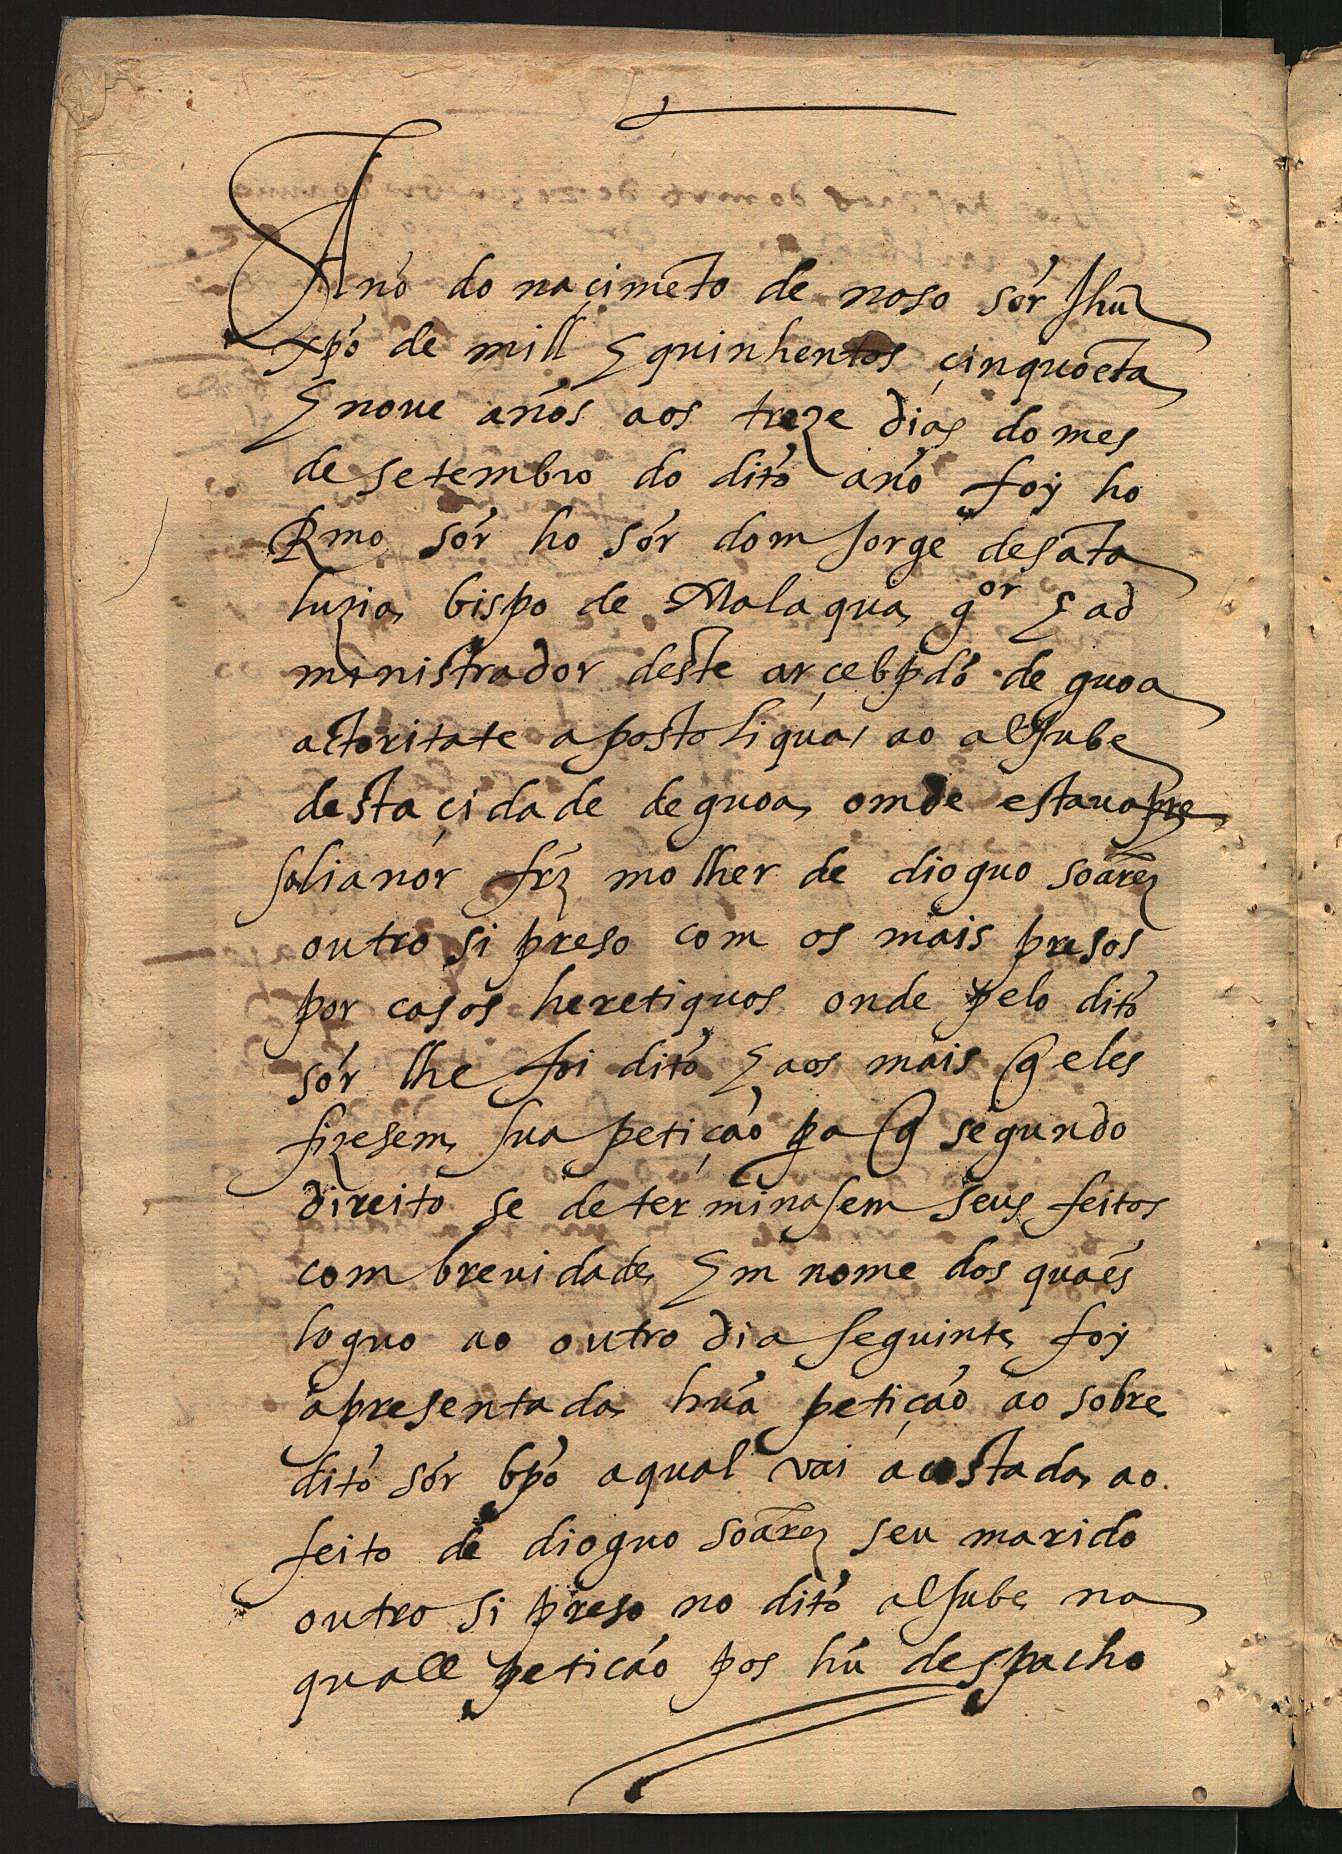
Anō do naçimēto de noso sor̄ Jhū
Xpō de mill E quinhentos çinquoēta
E noue anōs aos treze dias do mes
de setembro do dito anō foy ho
Rmo sor̄ ho sor̄ dom Jorge de sāta
luzia bispo de Malaqua gor E ad
ministrador deste arçebpdō de guoa
actoritate apostoliqua / ao alJube
desta çidade de guoa omde estaua pre
sa lianor frz̄ molher de dioguo soarez
outrosi preso com os mais presos
por casos heretiquos onde pelo ditō
sor̄ lhe foi ditō E aos mais q̄ eles
fizesem sua petição ꝑa q̄ segundo
direito se determinasem seus feitos
com breuidade Em nome dos quaes
loguo ao outro dia seguinte foy
apresentada huā petição ao sobre
ditō sor̄ bpō a qual vai acostada ao
feito de dioguo soaraz seu marido
outro si preso no ditō alJube na
quall peticão pos hū despacho
